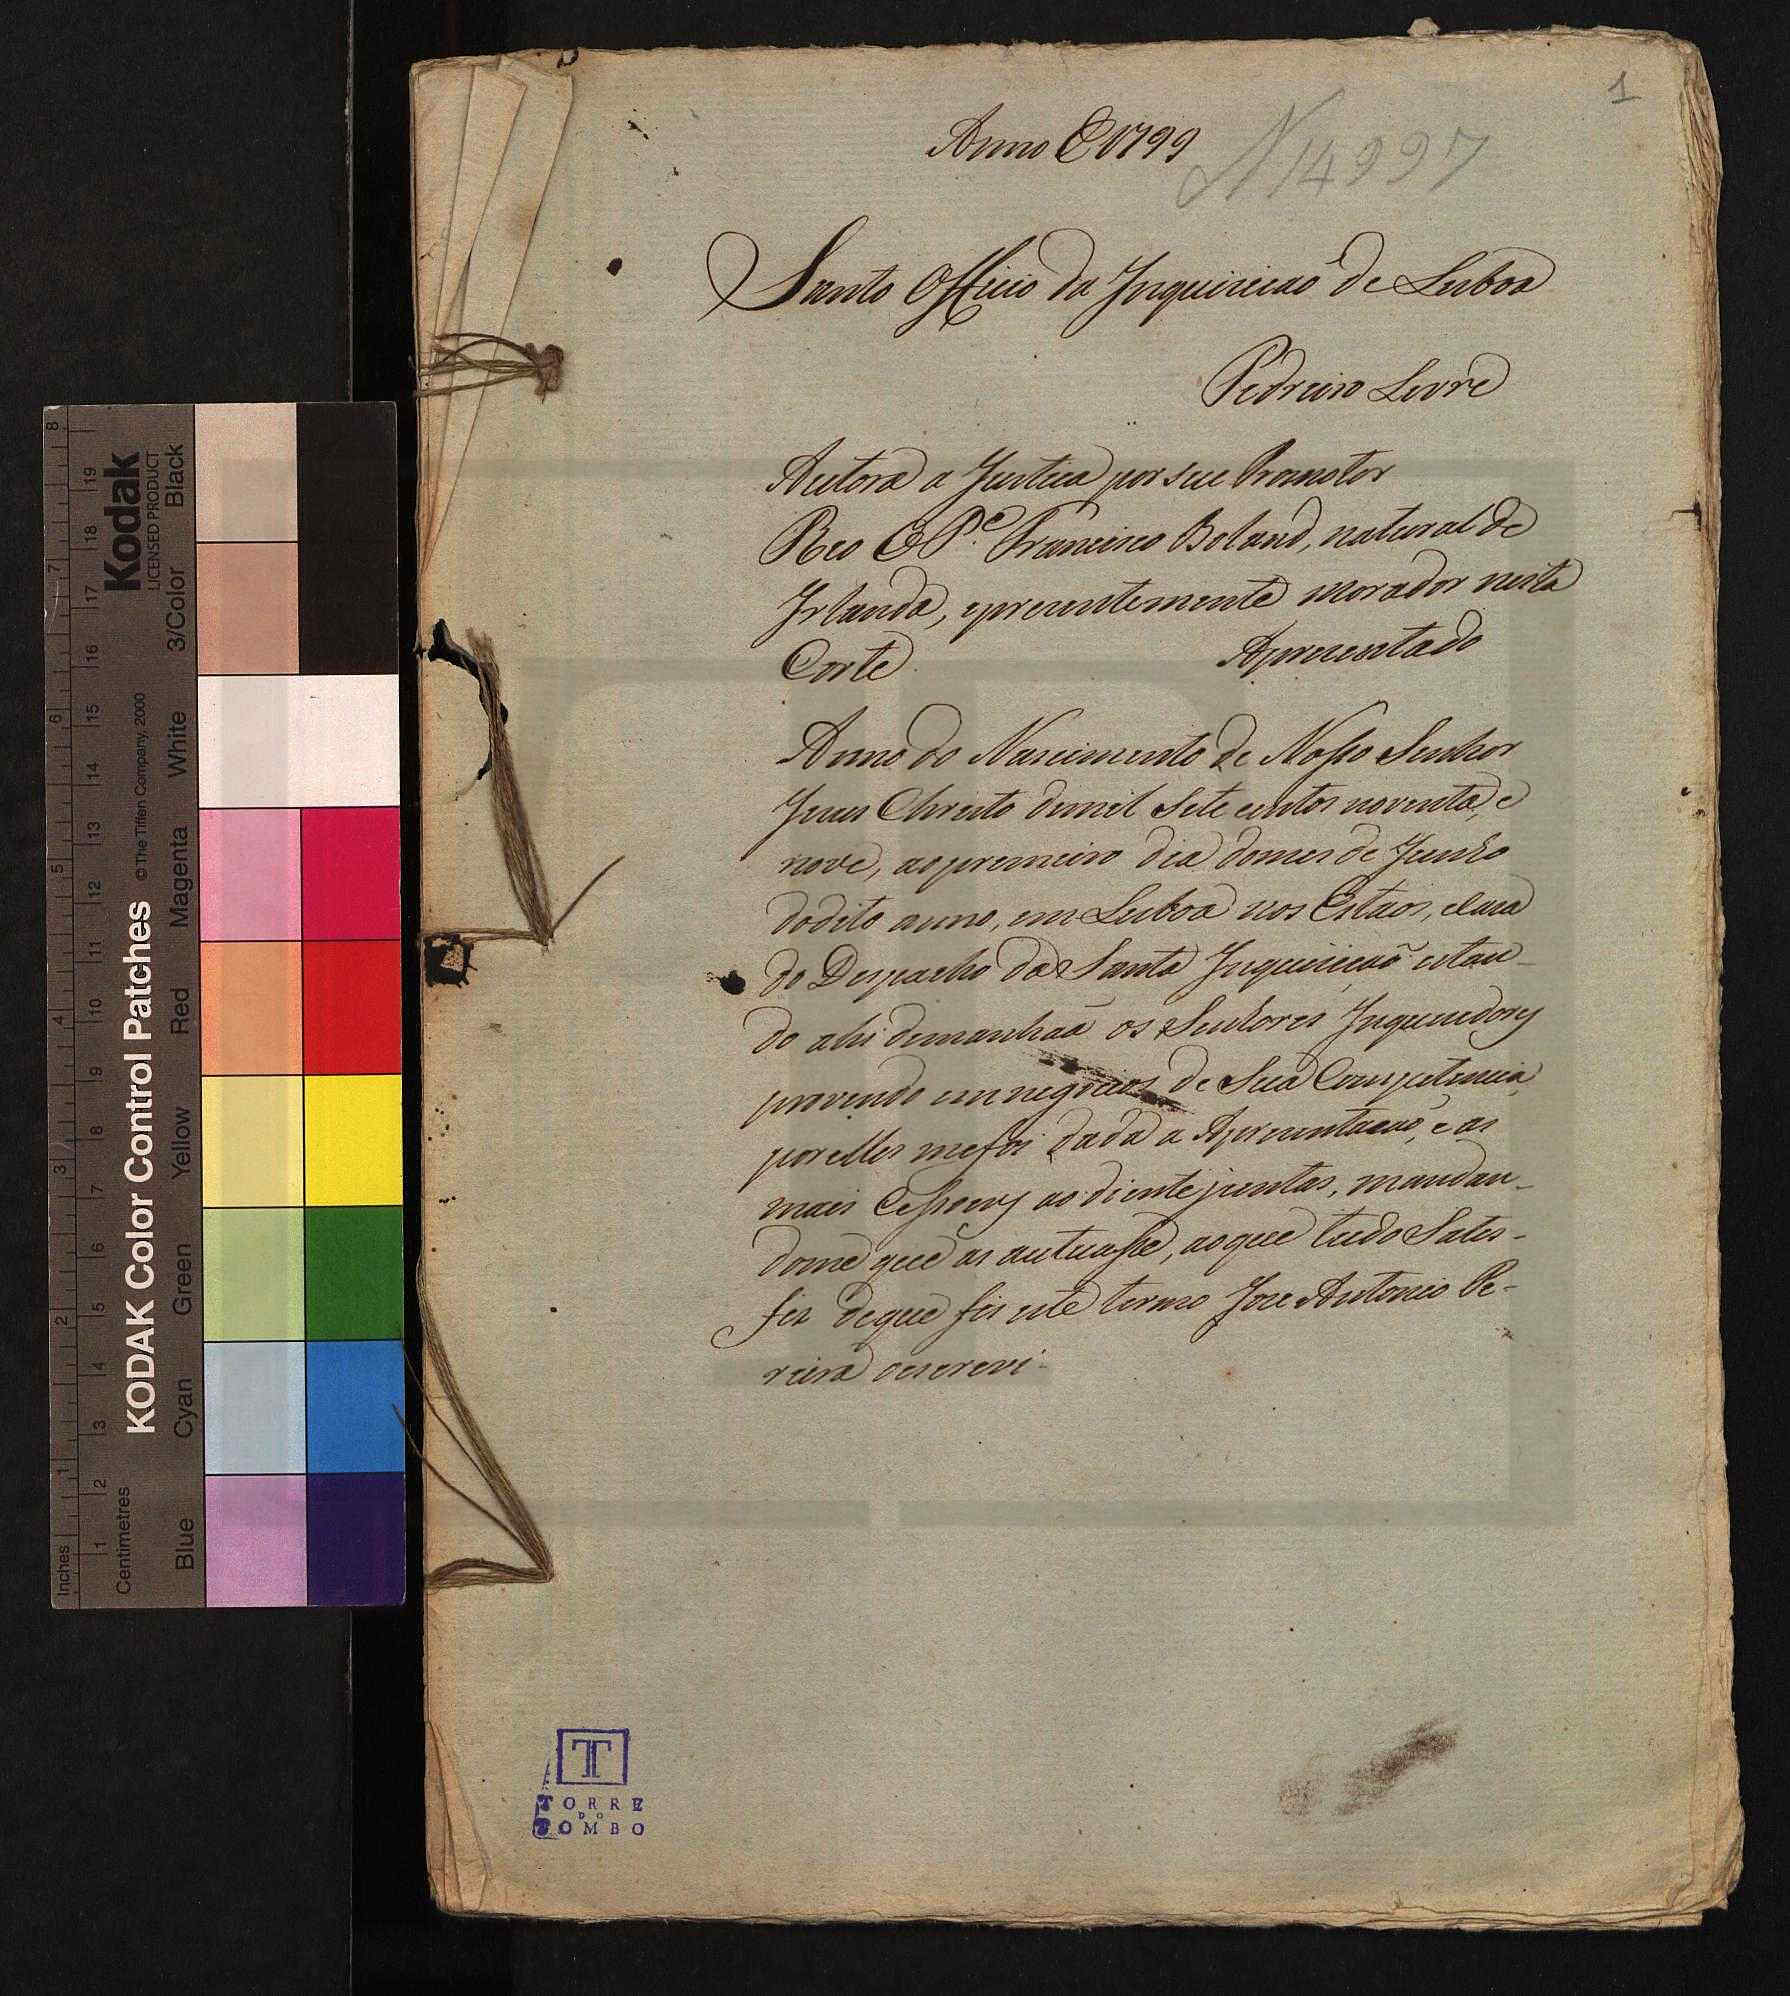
Anno d̄ 1799
Santo Officio da Jnquiziçaõ de Lisboa
Pedreiro Livre
Autora a Justica por seu Promotor
Reo O P.e Francisco Boland, natural de
Jrlanda, e prezentemente morador nesta
Corte Aprezentado
Anno do Nascimento de Nosso Senhor
Jezus Christo de mil setecentos noventa, e
nove, ao premeiro dia do mes de Junho
do dito anno, em Lisboa nos Estaos, e caza
do Despacho da Santa Jnquisicaõ estan
do ahi de manhaã os Senhores Jnquisidores
provendo em negocios de Sua Competencia,
por elles me foi dada a Aprezentacaõ, e as
mais Cessoens ao diante juntas, mandan
dome que as autuasse, ao que tudo sates
fiz de que fis este termo Joze Antonio Pe
reira o escrevi
